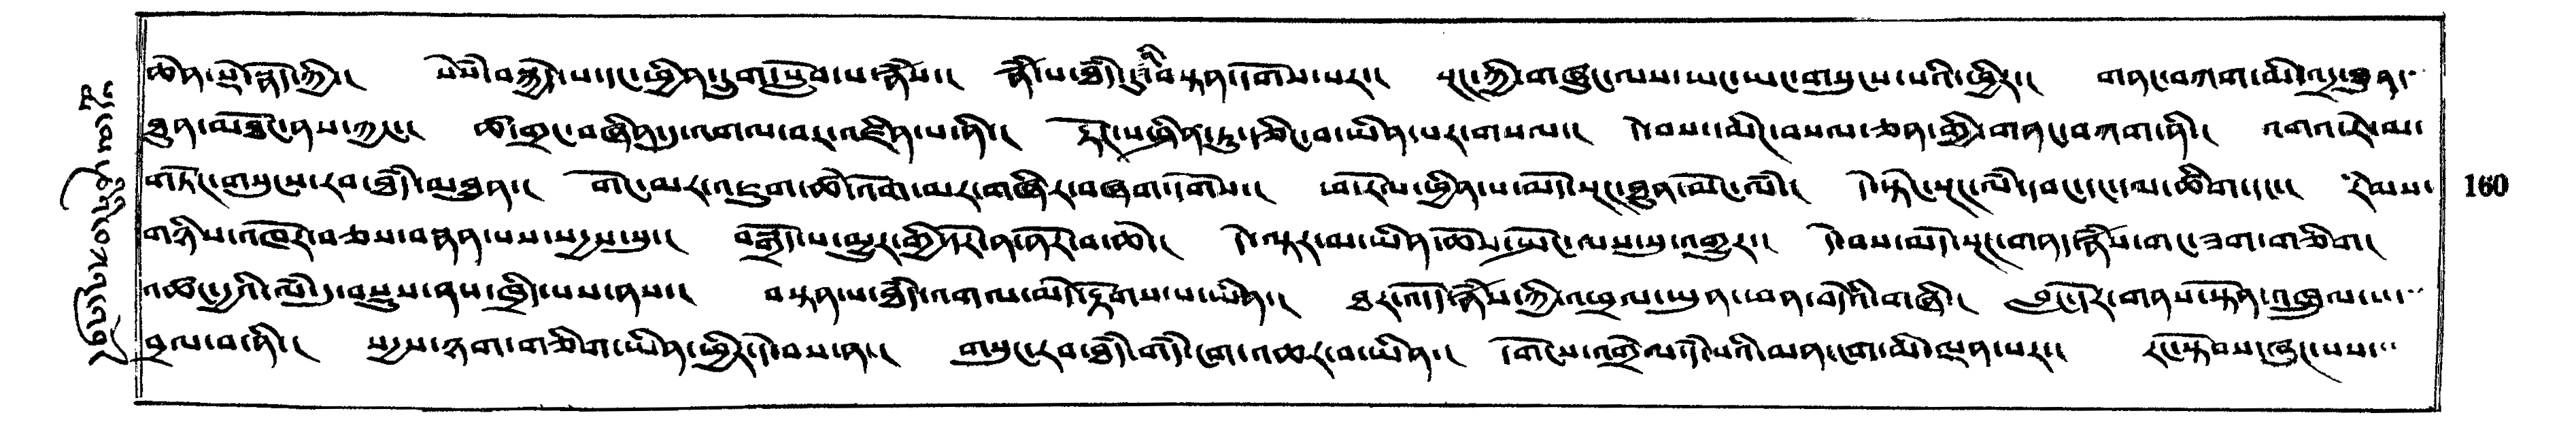ཆེན་སྡེ་སྣོད་ཀྱི། །སེམས་བསྐྱེད་པ་དང་ཕྱིན་དྲུག་སློབ་པ་རྣམས། །རྣམ་པ་ཐམས་ཅད་དུ་ནི་བརྟེན་དགོས་པར། །སྔགས་ཀྱི་གཞུང་ལས་ཡང་ཡང་གསུངས་པའི་ཕྱིར། །གནང་བཀག་མི་འདྲ་ཐུན་
ཐུན་མཐོང་ནས་ཀྱང་། །ཚ་གྲང་བཞིན་དུ་འགལ་བར་འཛིན་པ་ནི། །རྟོགས་པ་ཤིན་ཏུ་རྩིང་བ་ཡིན་པར་གསལ། །དེ་བས་དམིགས་བསལ་ཅན་གྱི་གནང་བཀག་ནི། །འགའ་རེ་མ་
གཏོགས་གསུང་རབ་ཐམས་ཅད་མཐུན། །གོང་མར་འཇུག་ཚེ་འོག་མར་གཞིར་བཞག་དགོས། །ཕ་རོལ་ཕྱིན་པ་མདོ་སྔགས་ཐུན་མོང་ལམ། །དེ་སྟེང་སྔགས་ལམ་དབང་དང་དམ་ཚིག་དང་། །རིམ་
གཉིས་འཁོར་བཅས་བསྣན་པས་སངས་རྒྱས་སུ། །བགྲོད་པ་མྱུར་གྱི་དོར་ན་ནོར་བ་ཆེ། །དེ་ལྟར་མ་ཡིན་ཆོས་སྤོང་ལས་སུ་འགྱུར། །དེ་བས་མདོ་སྔགས་གནད་རྣམས་གང་ཟག་གཅིག།
འཚང་རྒྱའི་ལམ་དུ་བསྡུས་ནས་ཁྲིད་པས་ན། །བསྟན་པ་ཐམས་ཅད་འགལ་མེད་རྟོགས་པ་ཡིན། །ཐར་འདོད་རྣམས་ཀྱི་འཕྲལ་ཡུན་ཕན་བདེའི་གཞི། །བླང་དོར་གནས་སྟོན་འཁྲུལ་པ་
བྲལ་བ་ནི། །སངས་རྒྱས་ཉག་གཅིག་ཡིན་ཕྱིར་དེ་བས་ན། །གསུང་རབ་ཐམས་ཅད་གདམས་ངག་འཆར་བ་ཡིན། །དགོངས་འགྲེལ་དམ་པའི་མན་ངག་མི་ལྡན་པར། །རང་སྟོབས་ཞུགས་པས་